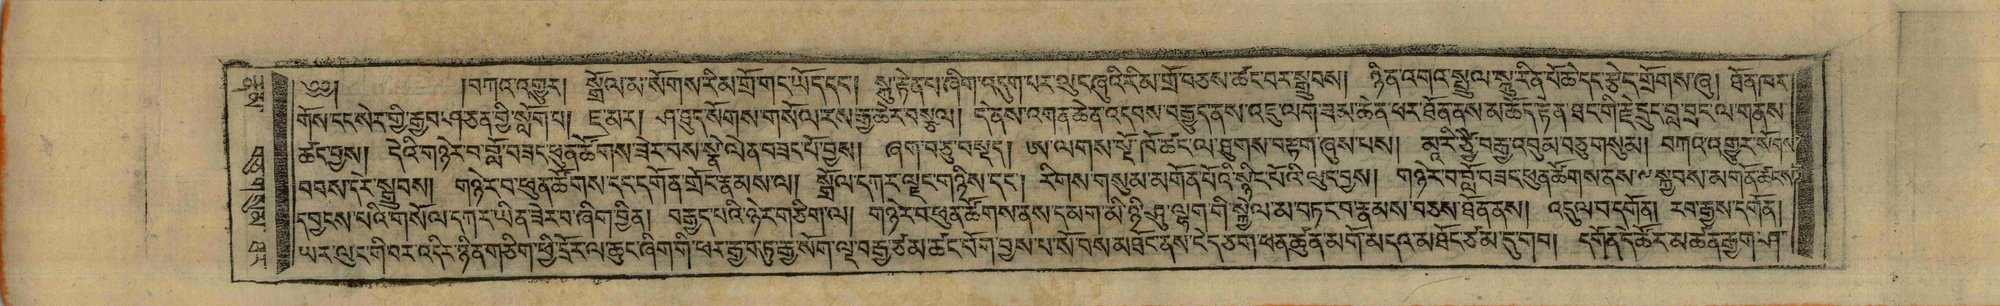༄༅། །བཀའ་འགྱུར། སྒྲོལ་མ་སོགས་རིམ་གྲོ་གང་ཡོད་དང་། སྐུ་རྟེན་པ་ཞིག་འདུག་པར་ལུང་ཞུའི་རིམ་གྲོ་བཅས་ཚང་བར་སྒྲུབས། ཉིན་འགའ་སྤྲུལ་སྐུ་རིན་པོ་ཆེ་དང་རྩེད་གྲོགས་ཞུ། ཐོན་ཁར་
གོས་དང་སེར་གྱི་རྒྱ་བཤ་ཅན་གྱི་སློག་པ། ཇ་མར། ཤ་ཐུད་སོགས་གསོལ་རས་རྒྱ་ཆེར་བསྩལ། དེ་ནས་འགན་ཆེན་འདབས་བརྒྱུད་ནས་འཇུ་ལག་ཟམ་ཆེན་ཕར་ཐོན་ནས་མཆོད་རྟེན་ཐང་གི་རྗེ་དྲུང་བླ་བྲང་ལ་གནས་
ཚང་བྱས། དེའི་གཉེར་བ་བློ་བཟང་ཕུན་ཚོགས་ཟེར་བས་སྣེ་ལེན་བཟང་པོ་བྱས། ཞག་བཅུ་བསྡད། ཨ་ལགས་སྔོ་ཁོ་ཚར་ལ་ཐུགས་བརྟག་ཞུས་པས། མཱ་རི་ཙྱཻ་བརྒྱ་འབུམ་བཅུ་གསུམ། བཀའ་འགྱུར་སོགས་
བབས་དེར་སྒྲུབས། གཉེར་པ་ཕུན་ཚོགས་དང་དགོན་གྲོང་རྣམས་ལ། སྒྲོལ་དཀར་ལྗང་གཉིས་དང་། རིགས་གསུམ་མགོན་པོའི་སྙིང་པོའི་ལུང་བྱས། གཉེར་བ་བློ་བཟང་ཕུན་ཚོགས་ནས་༧སྐྱབས་མགོན་ཚངས་
དབྱངས་པའི་གསོལ་དཀར་ཡིན་ཟེར་བ་ཞིག་བྱིན། བརྒྱད་པའི་ཉེར་གཅིག་ལ། གཉེར་བ་ཕུན་ཚོགས་ནས་དམག་མི་ཉི་ཤུ་ལྷག་གི་སྒྱེལ་མ་བཏང་བ་རྣམས་བཅས་ཐོན་ནས། འདུལ་བ་དགོན། རབ་རྒྱས་དགོན།
?ལུང་གི་བར་འདིར་ཉིན་གཅིག་ཕྱི་དྲོར་ལ་ཆུང་ཞིག་གི་ཕར་རྒྱབ་ཏུ་རྒྱ་སོག་ལྔ་བརྒྱ་ཙམ་ཚང་བོག་བྱས་པ་སོ་བས་མཐོང་ནས་ངེད་ཅག་ཕན་ཚུན་མགོ་མདའ་མཐོང་ཙམ་དུ་གབ། དགོན་དེ་ཚོར་མཚན་རྒྱག་ཤ་